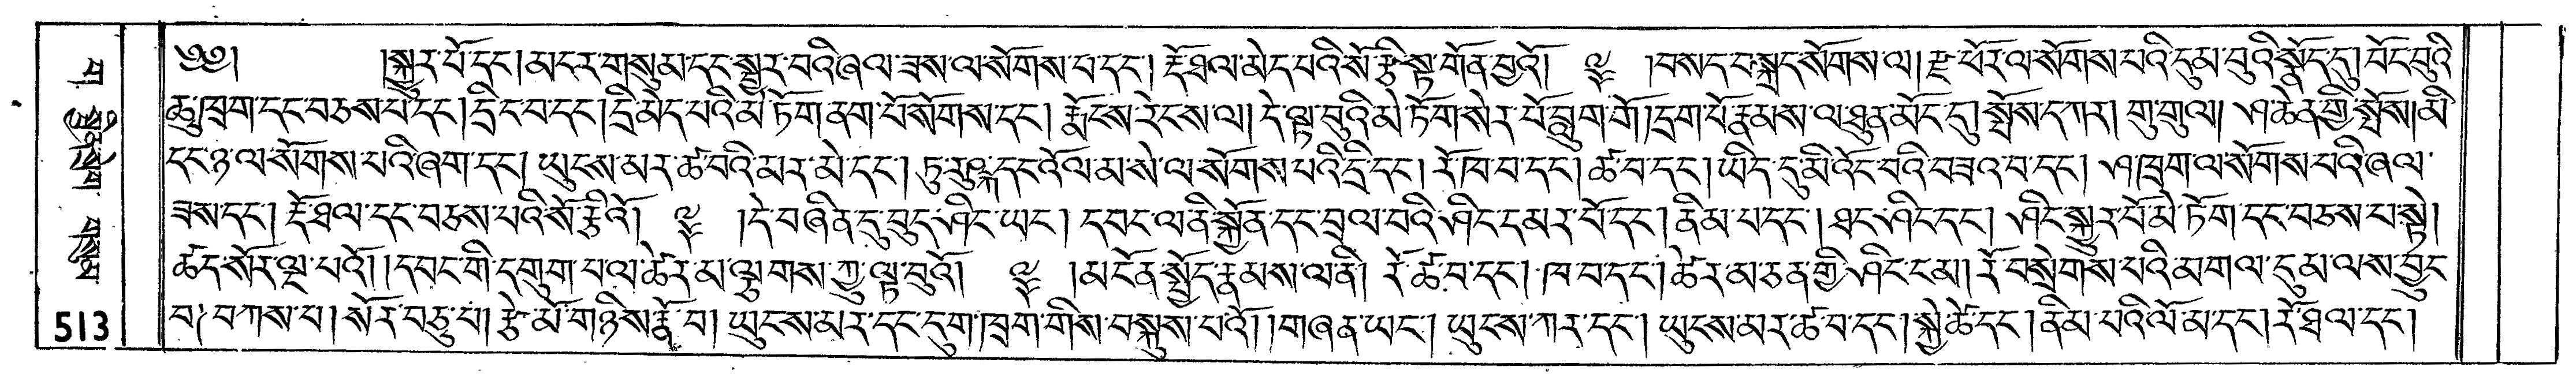༄༅། །སྐྱུར་པོ་དང་། མངར་གསུམ་དང་སྦྱར་བའི་ཞལ་ཟས་ལ་སོགས་པ་དང་། རྡོ་ཐལ་མེད་པའི་སོ་རྩི་སྟ་གོན་བྱའོ། ༈ །བསད་བསྐྲད་སོགས་ལ། རྫ་ཕོར་ལ་སོགས་པའི་དུམ་བུའི་སྣོད་དུ། བོང་བུའི་
ཆུ་ཁྲག་དང་བཅས་པ་དང་། དྲི་ང་བ་དང་། དྲི་མེད་པའི་མེ་ཏོག་ནག་པོ་སོགས་དང་། རྨོངས་རེངས་ལ། དེ་ལྟ་བུའི་མེ་ཏོག་སེར་པོ་བླུག་གོ །དྲག་པོ་རྣམས་ལ་ཐུན་མོང་དུ། སྤོས་དཀར། གུ་གུལ། ཤ་ཆེན་གྱི་སྤོས། མི་
དང་ཉ་ལ་སོགས་པའི་ཞག་དང་། ཡུངས་མར་ཚ་བའི་མར་མེ་དང་། ཏུ་རུཥྐ་དང་འོལ་མ་སེ་ལ་སོགས་པའི་དྲི་དང་། རོ་ཁ་བ་དང་། ཚ་བ་དང་། ཡིད་དུ་མི་འོང་བའི་བཟའ་བ་དང་། ཤ་ཁྲག་ལ་སོགས་པའི་ཞལ་
ཟས་དང་། རྡོ་ཐལ་དང་བཅས་པའི་སོ་རྩིའོ། ༈ །དེ་བཞིན་དུ་བུད་ཤིང་ཡང་། དབང་ལ་ནི་སྐྱོན་དང་བྲལ་བའི་ཤིང་དམར་པོ་དང་། ནིམ་པ་དང་། ཐང་ཤིང་དང་། ཤིང་སྐྱུར་པོ་མེ་ཏོག་དང་བཅས་པ་སྟེ།
ཚད་སོར་ལྔ་པའོ། །དབང་གི་དགུག་པ་ལ་ཚེར་མ་ལྕགས་ཀྱུ་ལྟ་བུའོ། ༈ །མངོན་སྤྱོད་རྣམས་ལ་ནི། རོ་ཚ་བ་དང་། ཁ་བ་དང་། ཚེར་མ་ཅན་གྱི་ཤིང་ངམ། རོ་བསྲེགས་པའི་མགལ་དུ་མ་ལས་བྱུང་
བ༑ བཀས་པ། སོར་བཅུ་པ། རྩེ་མོ་གཉིས་རྣོ་བ། ཡུངས་མར་དང་དུག་ཁྲག་གིས་བསྐུས་པའོ། །གཞན་ཡང་། ཡུངས་ཀར་དང་། ཡུངས་མར་ཚ་བ་དང་། སྐྱེ་ཚེ་དང་། ནིམ་པའི་ལོ་མ་དང་། རོ་ཐལ་དང་།